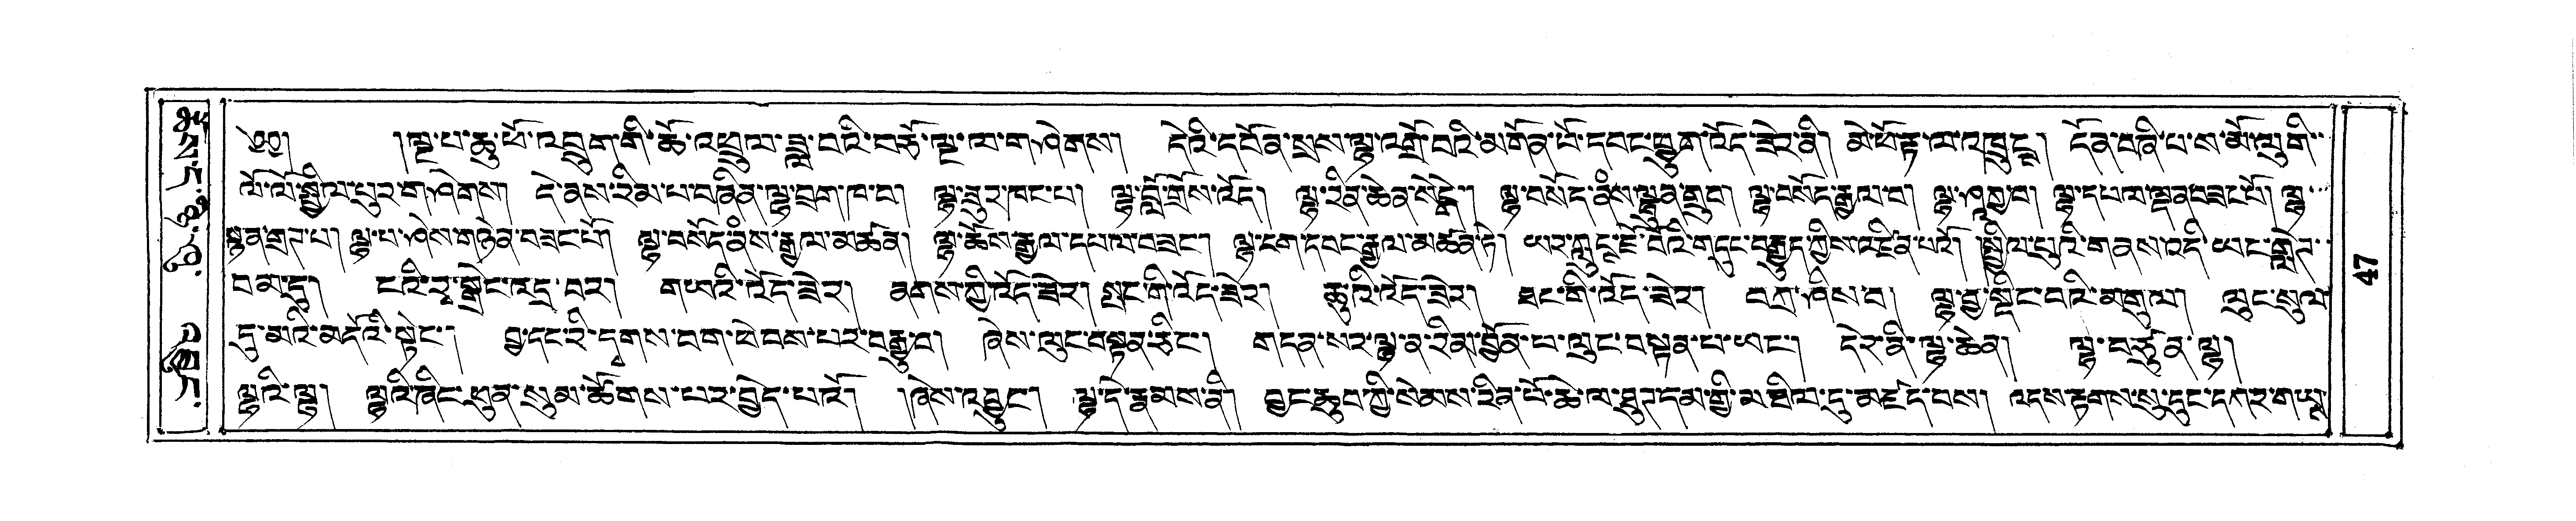༄༅། །ལྔ་པ་ཆུ་ཕོ་འབྲུག་གི་ཆོ་འཕྲུལ་ཟླ་བའི་བཅོ་ལྔ་ལ་གཤེགས། དེའི་དབོན་སྲས་ལྷ་འགྲོ་བའི་མགོན་པོ་དབང་ཕྱུག་འོད་ཟེར་ནི། མེ་ཕོ་རྟ་ལ་འཁྲུངས། དོན་བཞི་པ་ས་མོ་ལུ་གི་
ལོ་ལོ་སྤྱིལ་པུར་གཤེགས། དེ་ནས་རིམ་པ་བཞིན་ལྷ་བྲག་ཁ་བ། ལྷ་ཟུར་ཁང་པ། ལྷ་བློ་གྲོས་འོད། ལྷ་རིན་ཆེན་སེངྒེ། ལྷ་བསོད་ནཾས་ལྷུན་གྲུབ། ལྷ་བསོད་རྒྱལ་བ། ལྷ་ཤཱཀྱ་བ། ལྷ་དཔལ་ལྡན་བཟང་པོ། ལྷ་
སྙན་གྲཌ་པ། ལྷ་པ་ཤེས་གཉེན་བཟང་པོ། ལྷ་བསོད་ནཾས་རྒྱལ་མཚན། ལྷ་ཆོས་རྒྱལ་དཔལ་བཟང་། ལྷ་ངག་དབང་རྒྱལ་མཚན་ཏེ། ཡར་ཀླུངས་ཇོ་བོའི་གདུང་བརྒྱུད་ཀྱིས་འཛིན་པའོ། །སྤྱིལ་པུའི་གནས་འདི་ཡང་གླེཌ་
བམ་དུ། ངའི་རྭ་སྒྲེང་འདྲ་བར། གཡའི་འོད་ཟེར། ནགས་ཀྱི་འོད་ཟེར། སྤང་གི་འོད་ཟེར། ཆུའི་འོད་ཟེར། ཐང་གི་འོད་ཟེར། བཀྲ་ཤིས་བ། ལྷ་བྱ་སྡིང་བའི་མགུལ། ལུང་སུལ་
དུ་མའི་མདོའི་སྟེང་། བྱ་དང་རི་དྭགས་བག་ཕེབས་པར་བརྒྱུ་བ། ཞེས་ལུང་བསྟན་ཅིང་། གདན་སར་ལྷ་ན་རིམ་བྱོན་པ་ལུང་བསྟན་པ་ཡང་། དེར་ནི་ལྷ་ཆེན། ལྷ་བཙུན་ལྷ།
ལྷའི་ལྷ། ལྷའི་ཞིང་ཕུན་སུམ་ཚོགས་པར་བྱེད་པའོ། །ཞེས་འབྱུང་། ལྷ་དེ་རྣམས་ནི། བྱང་ཆུབ་ཀྱི་སེམས་རིན་པོ་ཆེ་ལ་ཐུཌ་དམ་གྱི་མཐིལ་དུ་མཛད་པས། འདས་རྟགས་སུ་དྲུང་དཀར་གཡས་